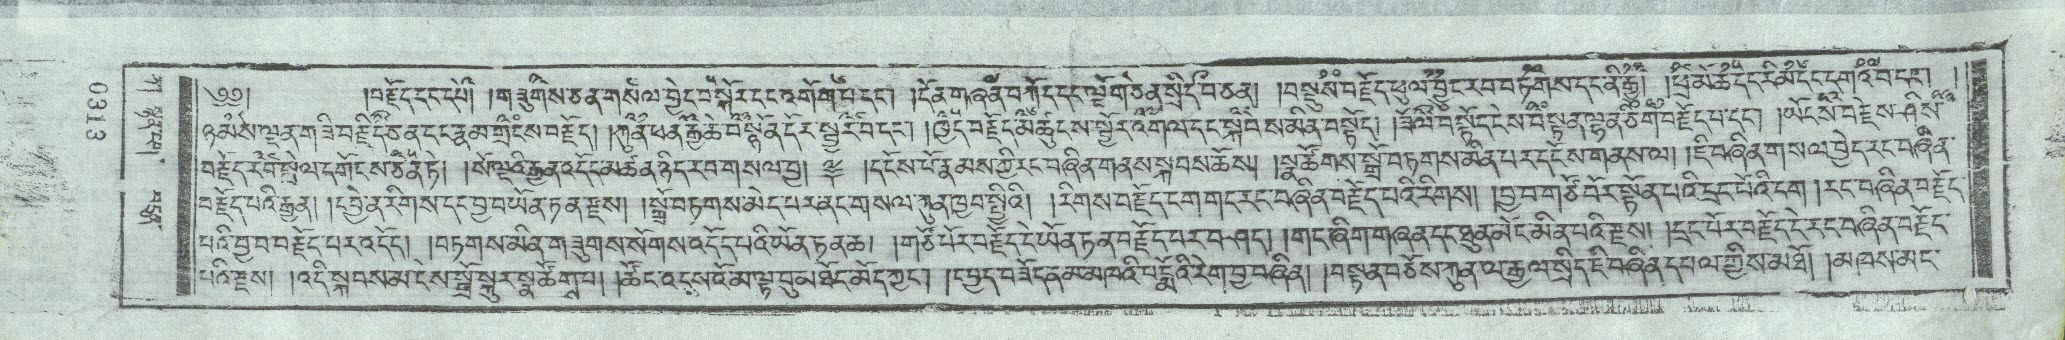༄༅། །བརྗོད་དང་དཔོ། །གཟུ་གིས་ཅན་གསིལ་བྱེད་བསྐོར་དང་འགོག་པ་དང་། །དོན་གཞན་བཀོད་དང་ལྡོག་ཅེན་སྲིད་བཅན། །བསྡུས་བརྗོད་ཕུལ་བྱུང་རབ་བཏགས་དང་ནི་རྒྱུ། །ཕྲ་མོ་ཆ་དང་རིམ་དང་དགའ་བ་དང་། །
ཉམས་ལྡན་གཟི་བརྗིད་ཅན་དང་རྣམ་གྲངས་བརྗོད། །ཀུན་ཕན་རྒྱ་ཆེ་བསྟོན་དོར་སྦྱར་བ་དང་། །ཁྱད་བརྗོད་མཚུངས་སྦྱོར་འགལ་དང་སྐ་བས་མིན་བསྟོད། །ཟོལ་བསྟོད་ངེས་བི་སྟན་ལྷན་ཅིག་བརྗོད་པ་དང་། །ཡོངས་བརྗེས་ཤིས་
བརྗོད་རེ་བ་སྤེལ་དགོངས་ཅན་ཏེ། །སོ་ལྔའི་རྒྱན་འདོད་མཚན་ཉིད་རག་གསལ་བྱ། ༈ །དངོས་པོ་རྣམས་ཀྱི་རང་བཞིན་གནས་སྐབས་ཆོས། །སྣ་ཚོགས་སྒྲོ་བཏགས་མིན་པར་དངོས་གནས་ལ། །ཇི་བཞིན་གསལ་བྱེད་རང་བཞིན་
བརྗོད་པའི་རྒྱན། །དབྱེ་ན་རིགས་དང་བྱ་བ་ཡོད་ཏན་རྫས། །སྒྲོ་བཏགས་མེད་པར་ནང་གསལ་ཀུན་ཁྱབ་སྤྱིའི། །རིགས་བརྗོད་ངག་གང་རང་བཞིན་བརྗོད་པའི་རིགས། །བྱ་བ་གཙོ་བོར་སྟོན་པའི་དྲང་པོའི་དག །རང་བཞིན་བརྗོད་
པའི་བྱ་བ་བརྗོད་པར་འདོད། །བཏགས་མིན་གཟུགས་སོགས་འདོད་པའི་ཡོན་ཏན་ཆ། །གཙོ་བོར་བརྗོད་དེ་ཡོན་ཏན་བརྗོད་པར་བཤད། །གང་ཞིག་གཞན་དང་ཐུན་མོང་མིན་པའི་རྫས། །དྲང་པོར་བརྗོད་དེ་རང་བཞིན་བདེ?
པའི་རྫས། །འདི་སྐབས་མེ་དེས་སྒྲོ་སྐུར་སྣ་ཚོགས་པ། །ཚོང་འོ་མ་ལྟ་བུ་མཐོང་མོད་ཀྱང་། །དབྱད་བཟོད་ནམ་མཁའི་པདམོའི་རེག་བྱ་བཞིན། །བསྟན་བཅོས་ཀུན་ལ་རྒྱལ་སྲིད་ཇི་བཞིན་དཔལ་གྱིས་མཐོ། །མཁས་མང?